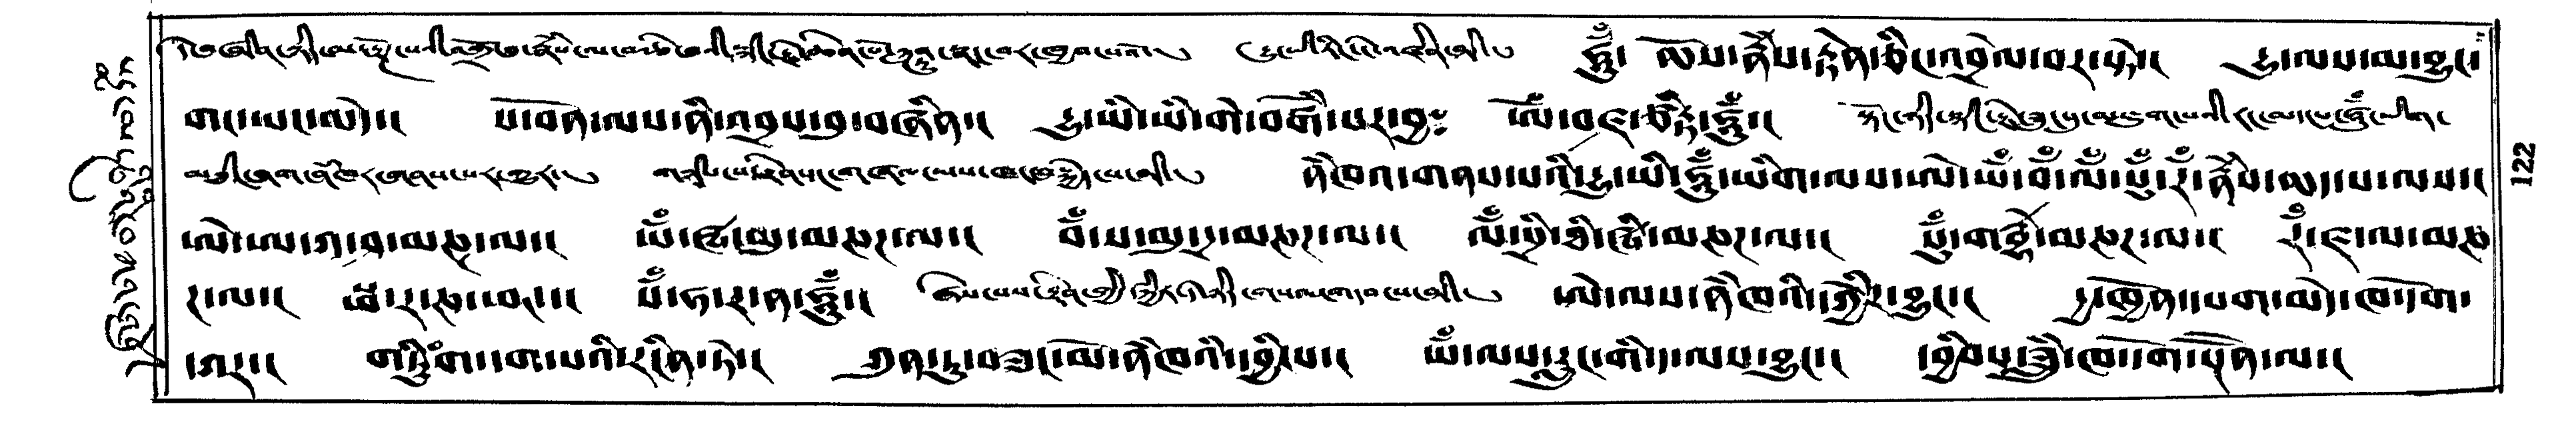དེ་བཞིན་ཉིད་མ་རྟོགས་པའི་འགྲོ་བ་རྣམས་ལ་བརྩེ་བའི་སྙིང་རྗེ་ཆེན་པོ་ཀུན་ཏུ་སྣང་བར་ཁྱབ་པའོ།། རྒྱུའི་ཏིང་ངེ་འཛིན་ནི། ཧཱུྃཿ ཆོས་རྣམས་རྟེན་ཅིངའབྲེལ་བར་སྟེ། །རྒྱུ་ལས་མ་བྱུང་
གང་ཡང་མེད། །ས་བོན་ལས་ནི་འབྲས་བུ་བཞིན། །རྒྱུའི་ཡི་གེ་བསྒོམ་པར་བྱ༔ ཨོཾ་བཛྲ་ཙིཏྟ་ཧཱུྃཿ སྟོང་ཉིད་སྙིང་རྗེ་ཟུང་དུ་མཇུག་པའི་རང་མདངས་ཧཱུྃ་ཡིག་
མཐིང་ནག་ནམ་མཁར་གནས་པར་གྱུར། གཉིས་པ་རྟེན་དང་གཞལ་ཡས་ཁང་བསྐྱེད་པ་ནི། ནམ་མཁའ་གནས་པའི་རྒྱུ་ཡི་ཧཱུྃ་ཡིག་ལས་ཨེ་ཡྃ་བྃ་ལྃ་སུྃ་རྃ་རྣམས་ཆད་པ་ལས། 
ཨེ་ཨ་ཀ་ཤ་མཎྜ་ལ། ཡྃ་ཝ་མུ་མཎྜ་ལ། བྃ་ས་མུ་དྲ་མཎྜ་ལ། ལྃ་པྲི་ཐི་ཝི་མཎྜ་ལ། སུྃ་གརྦྷེ་མཎྜ་ལ། རྃ་ཛ་ལ་མ
ཎྜ་ལ། སྥ་ར་ཎ་ཕཊ། སྃ་ཧ་ར་ན་ཧཱུྃཿ ཞེས་པས་རྟེན་གྱི་སྐྱིར་དེ་ཉིད་གསལ་གདབ་པ་ནི། ཨེ་ལས་ནམ་མཁའི་དཀྱིལ་འཁོར་བྱུང་། །རྒྱ་ཁྱོན་དཔག་མེད་ཁ་དོག་
དཀར། །གཏི་མུག་དག་པའི་རང་བཞིན་ཏེ། །ཀུན་ཏུ་བཟང་མོ་ནམ་མཁའི་དབྱིངས། །ཡྃ་ལས་རླུང་གི་ད་ལས་བྱུང་། ། དབྱིབས་ཟླུམ་ཁ་དོག་སྔོན་པོ་ལ། །